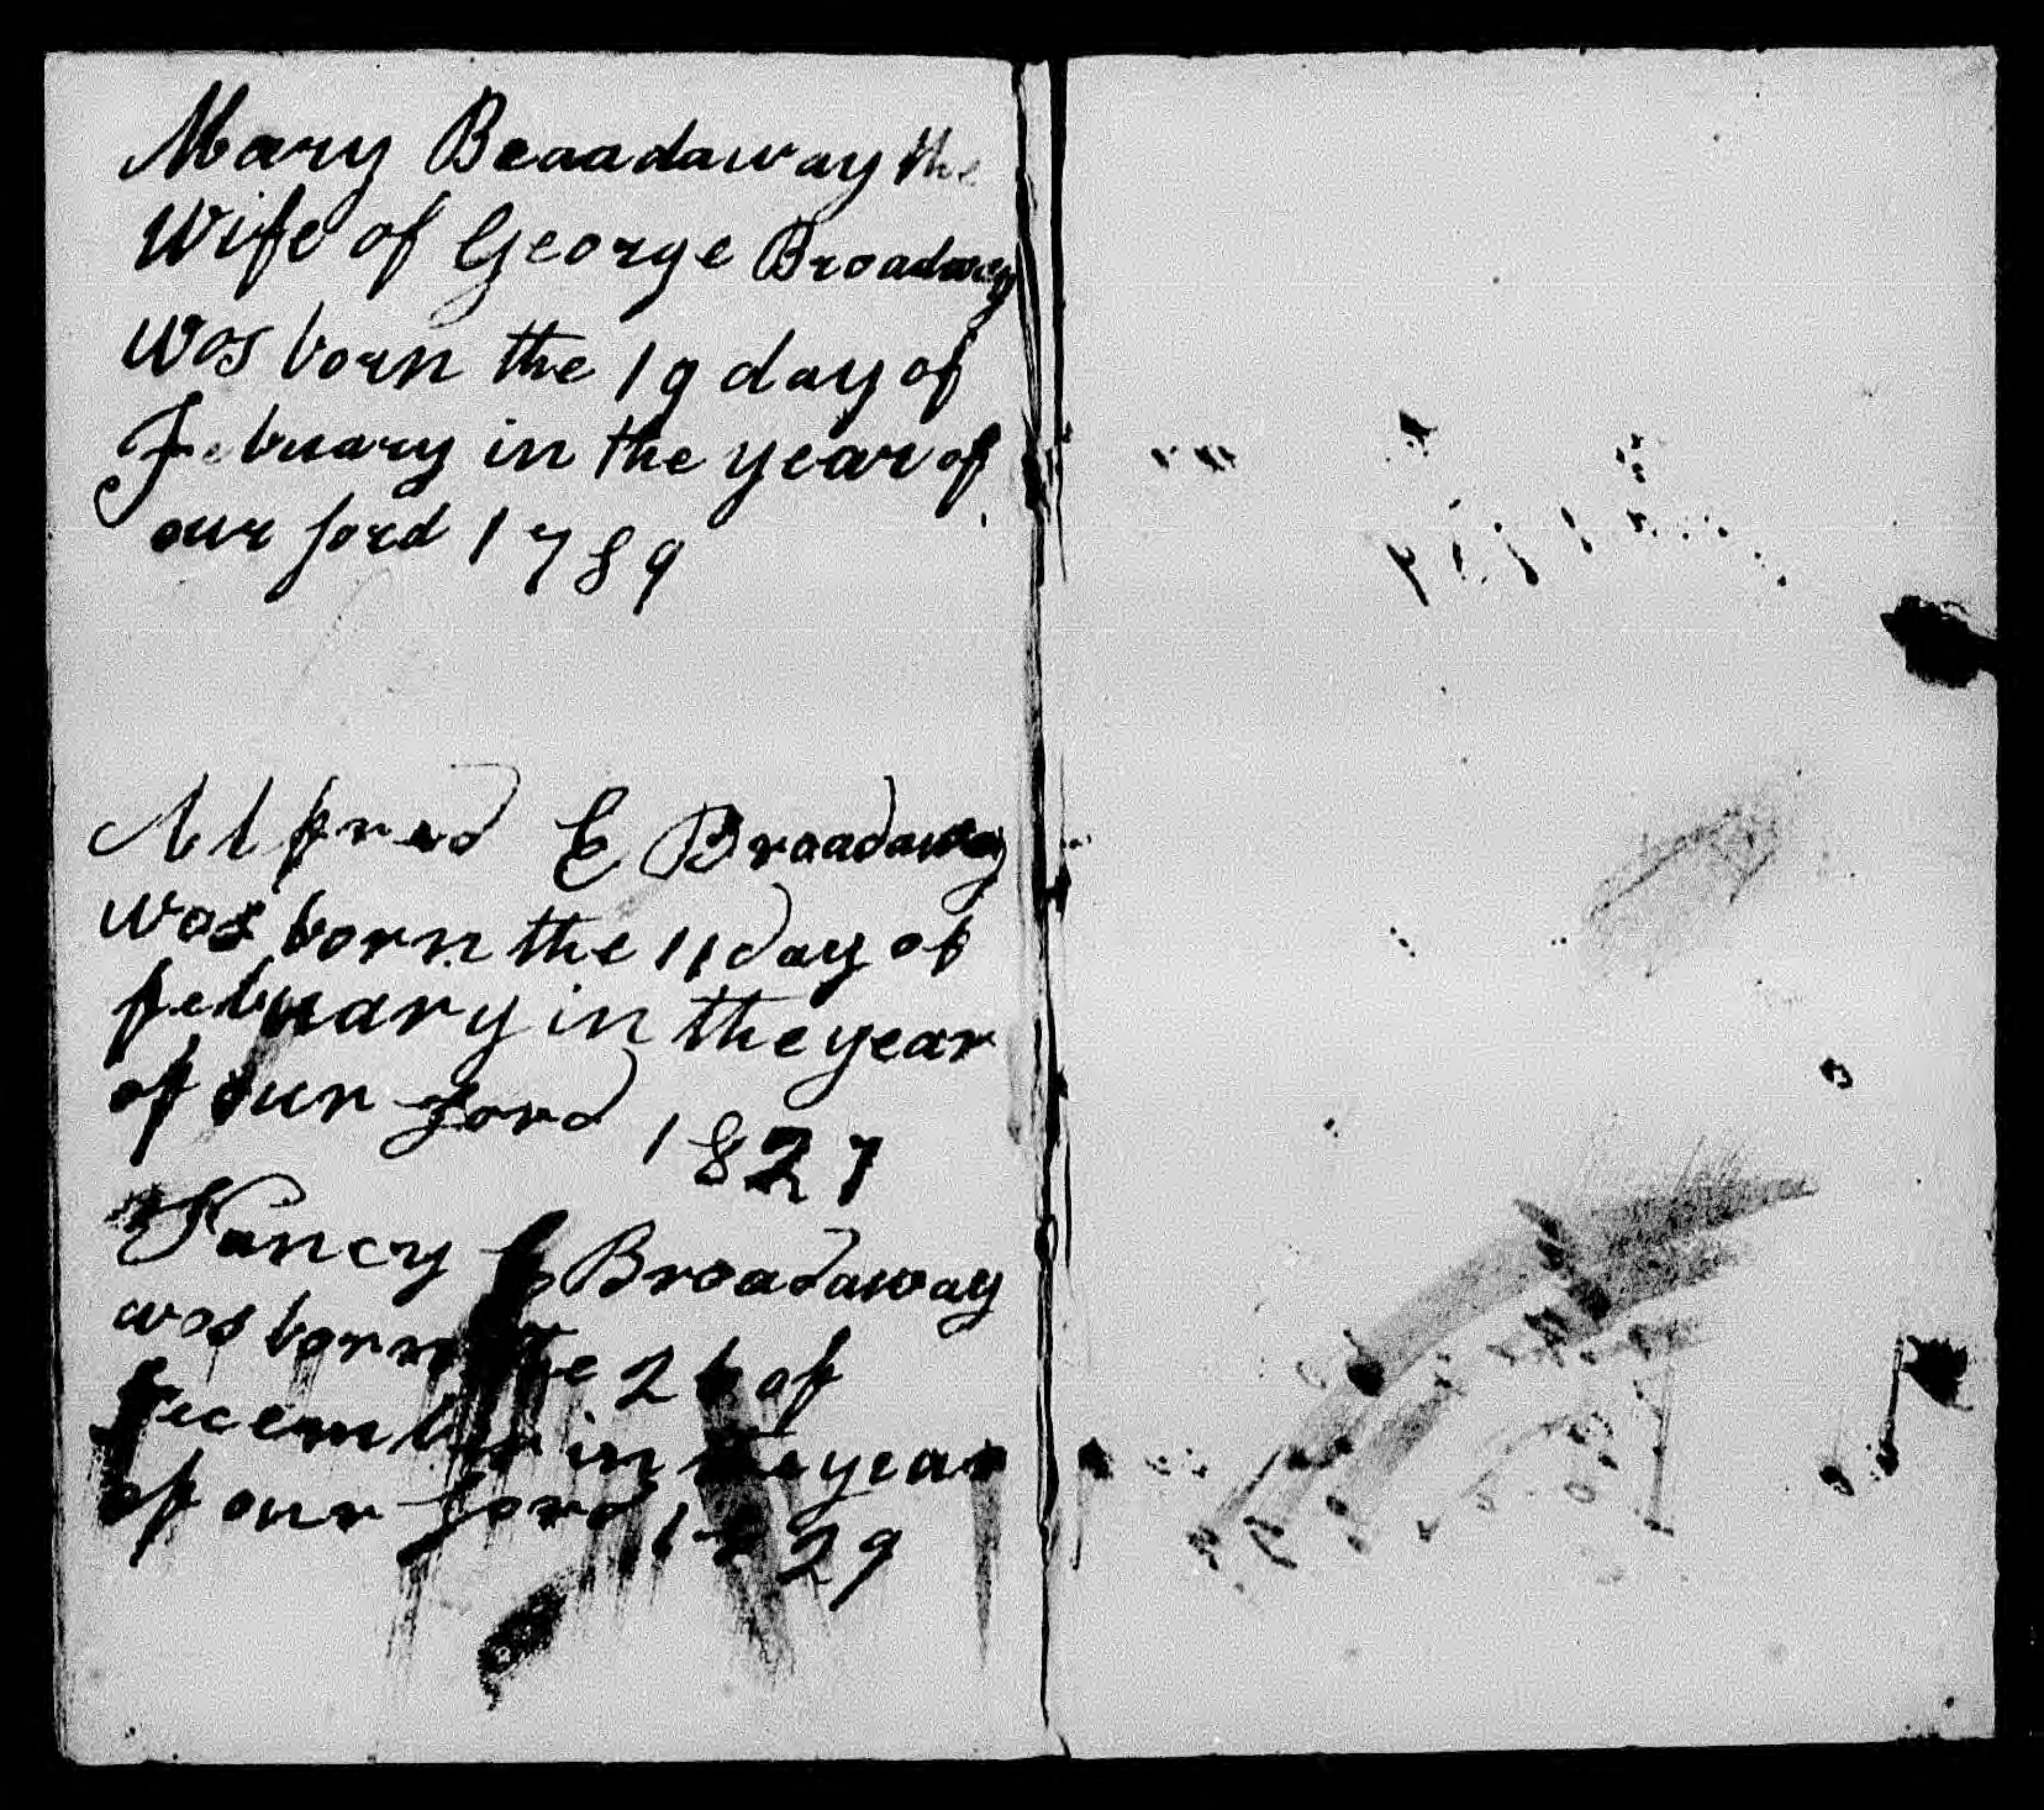Mary Beardaway the
Wife of George Broadaway
was born the 19 day of
Febuary in the year of
our Lord 1789

Alfred
E. Broadaway
was born the 11 day of
Febuary in the year
of our Lord 1827

Nancy C  Broadaway
was born [illegible] 26 of
December in the year
of our Lord 1829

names: George Broadaway, Nancy C Broadaway, Mary Broadaway, Alfred E Broadaway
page: 74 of 98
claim: widow's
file: W. 8398, William Broadway, S.C.